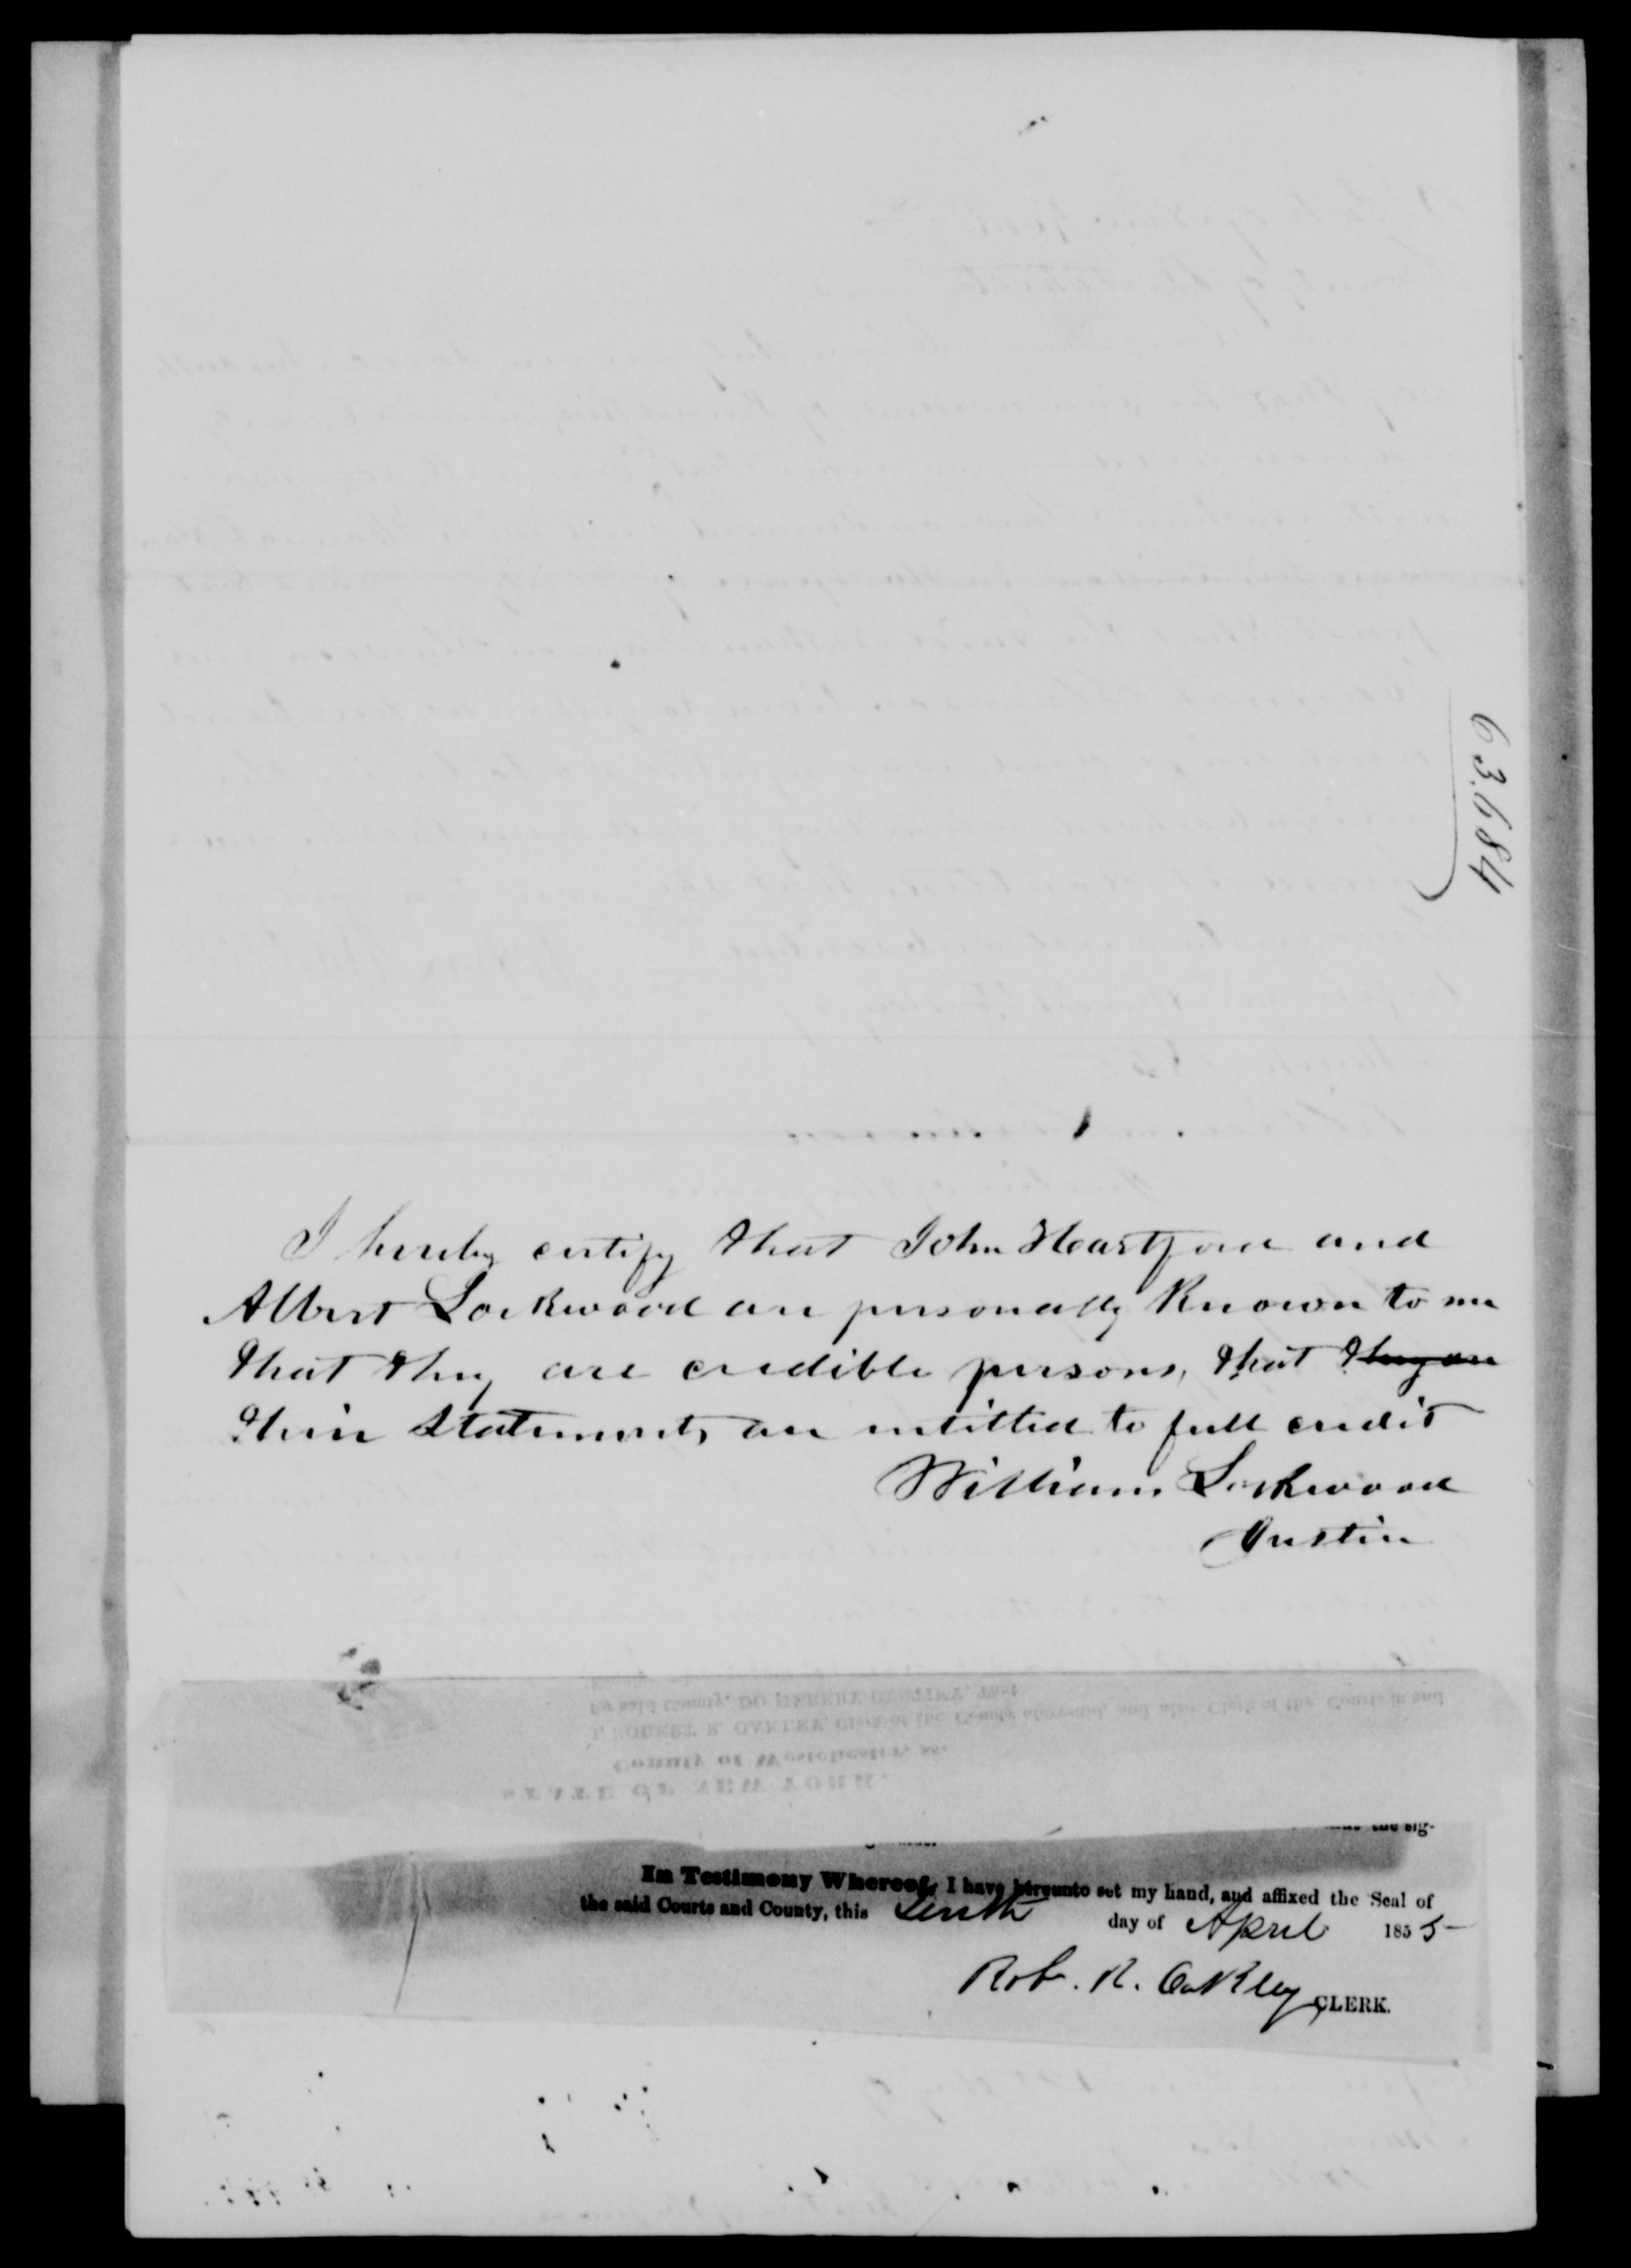63684  
I hereby certify that John Hartford and Albert Lockwood are personally known to me. That they are credible persons, that their statements are entitled to full credit 
William Lockwood Justice   
In Testimony whereof I have set my hand and affixed the seal of the said Courts and County this Sixth day of April 1855 
Rob. R. Oakley Clerk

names: William Lockwood; Albert Lockwood; John Hartford; Rob R Oakley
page: 23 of 87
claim: widow's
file: W. 22,226, for Nathan Slawson, Connecticut